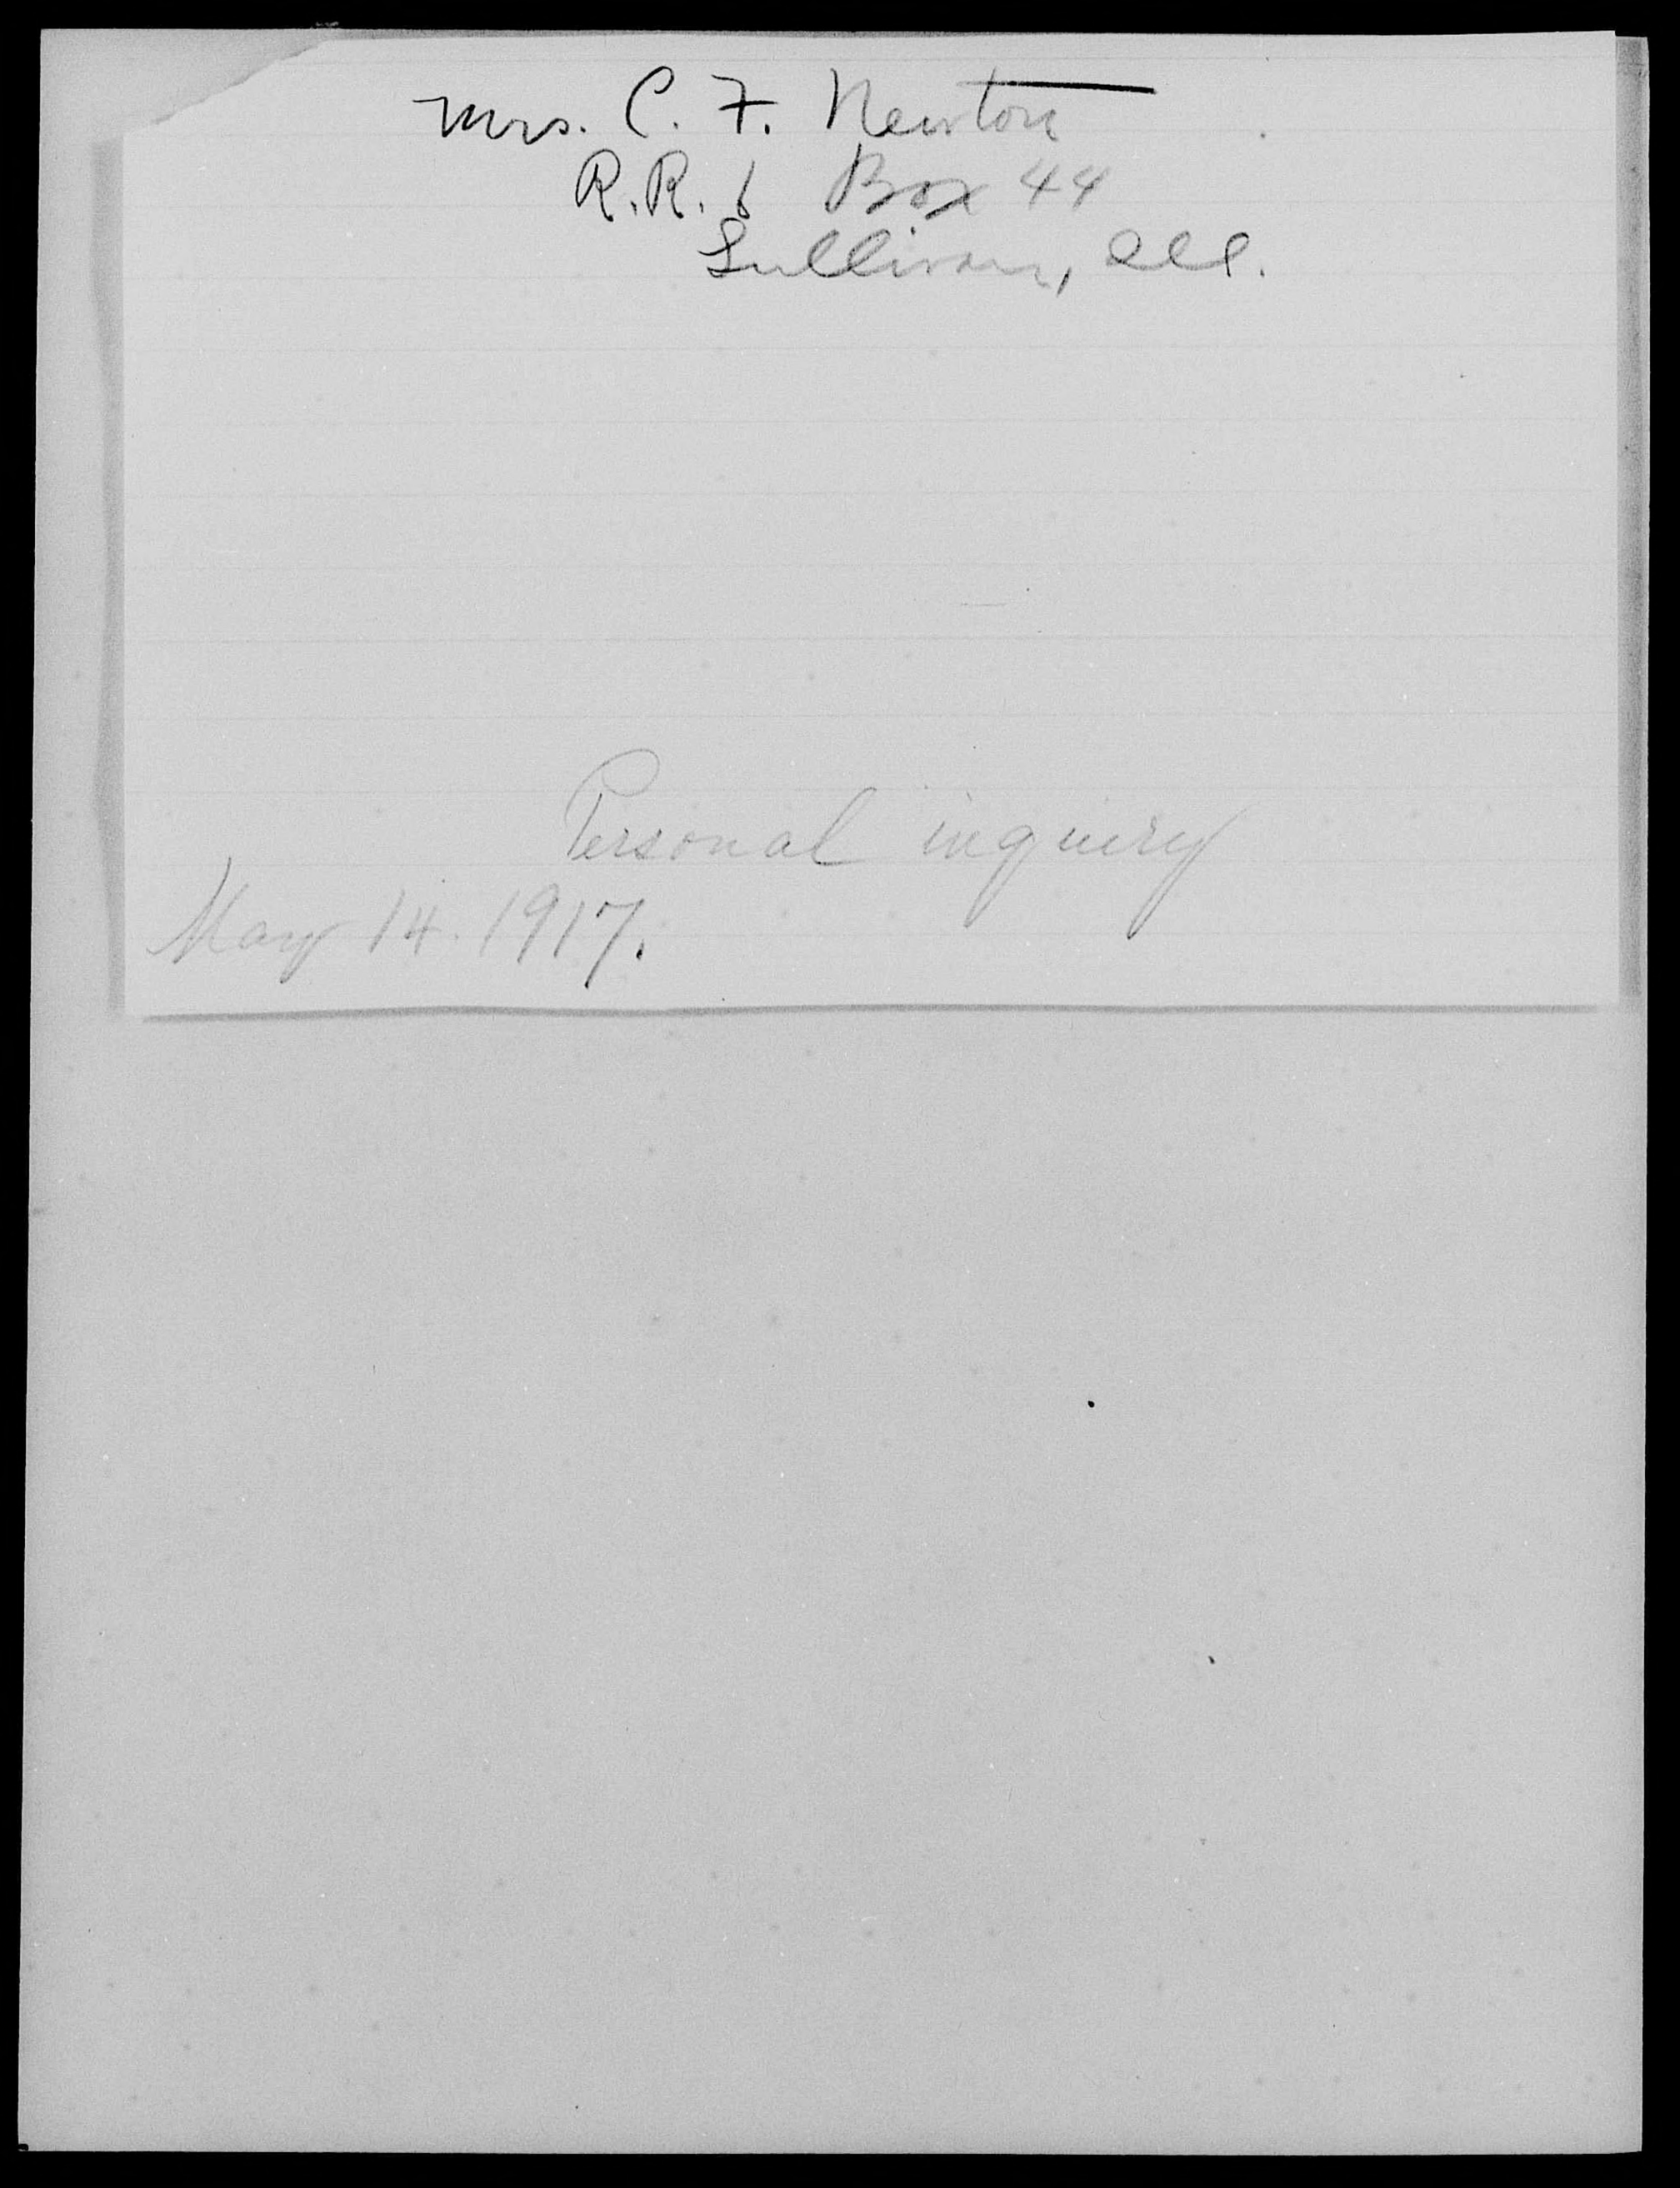Mrs. C. F. Newton 
R. R. 6 Box 44
Sullivan, Ill.

Personal inquiry
May 14. 1917.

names: C F Newton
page: 69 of 69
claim: widow's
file: W. 10861, for James Patterson, North Carolina